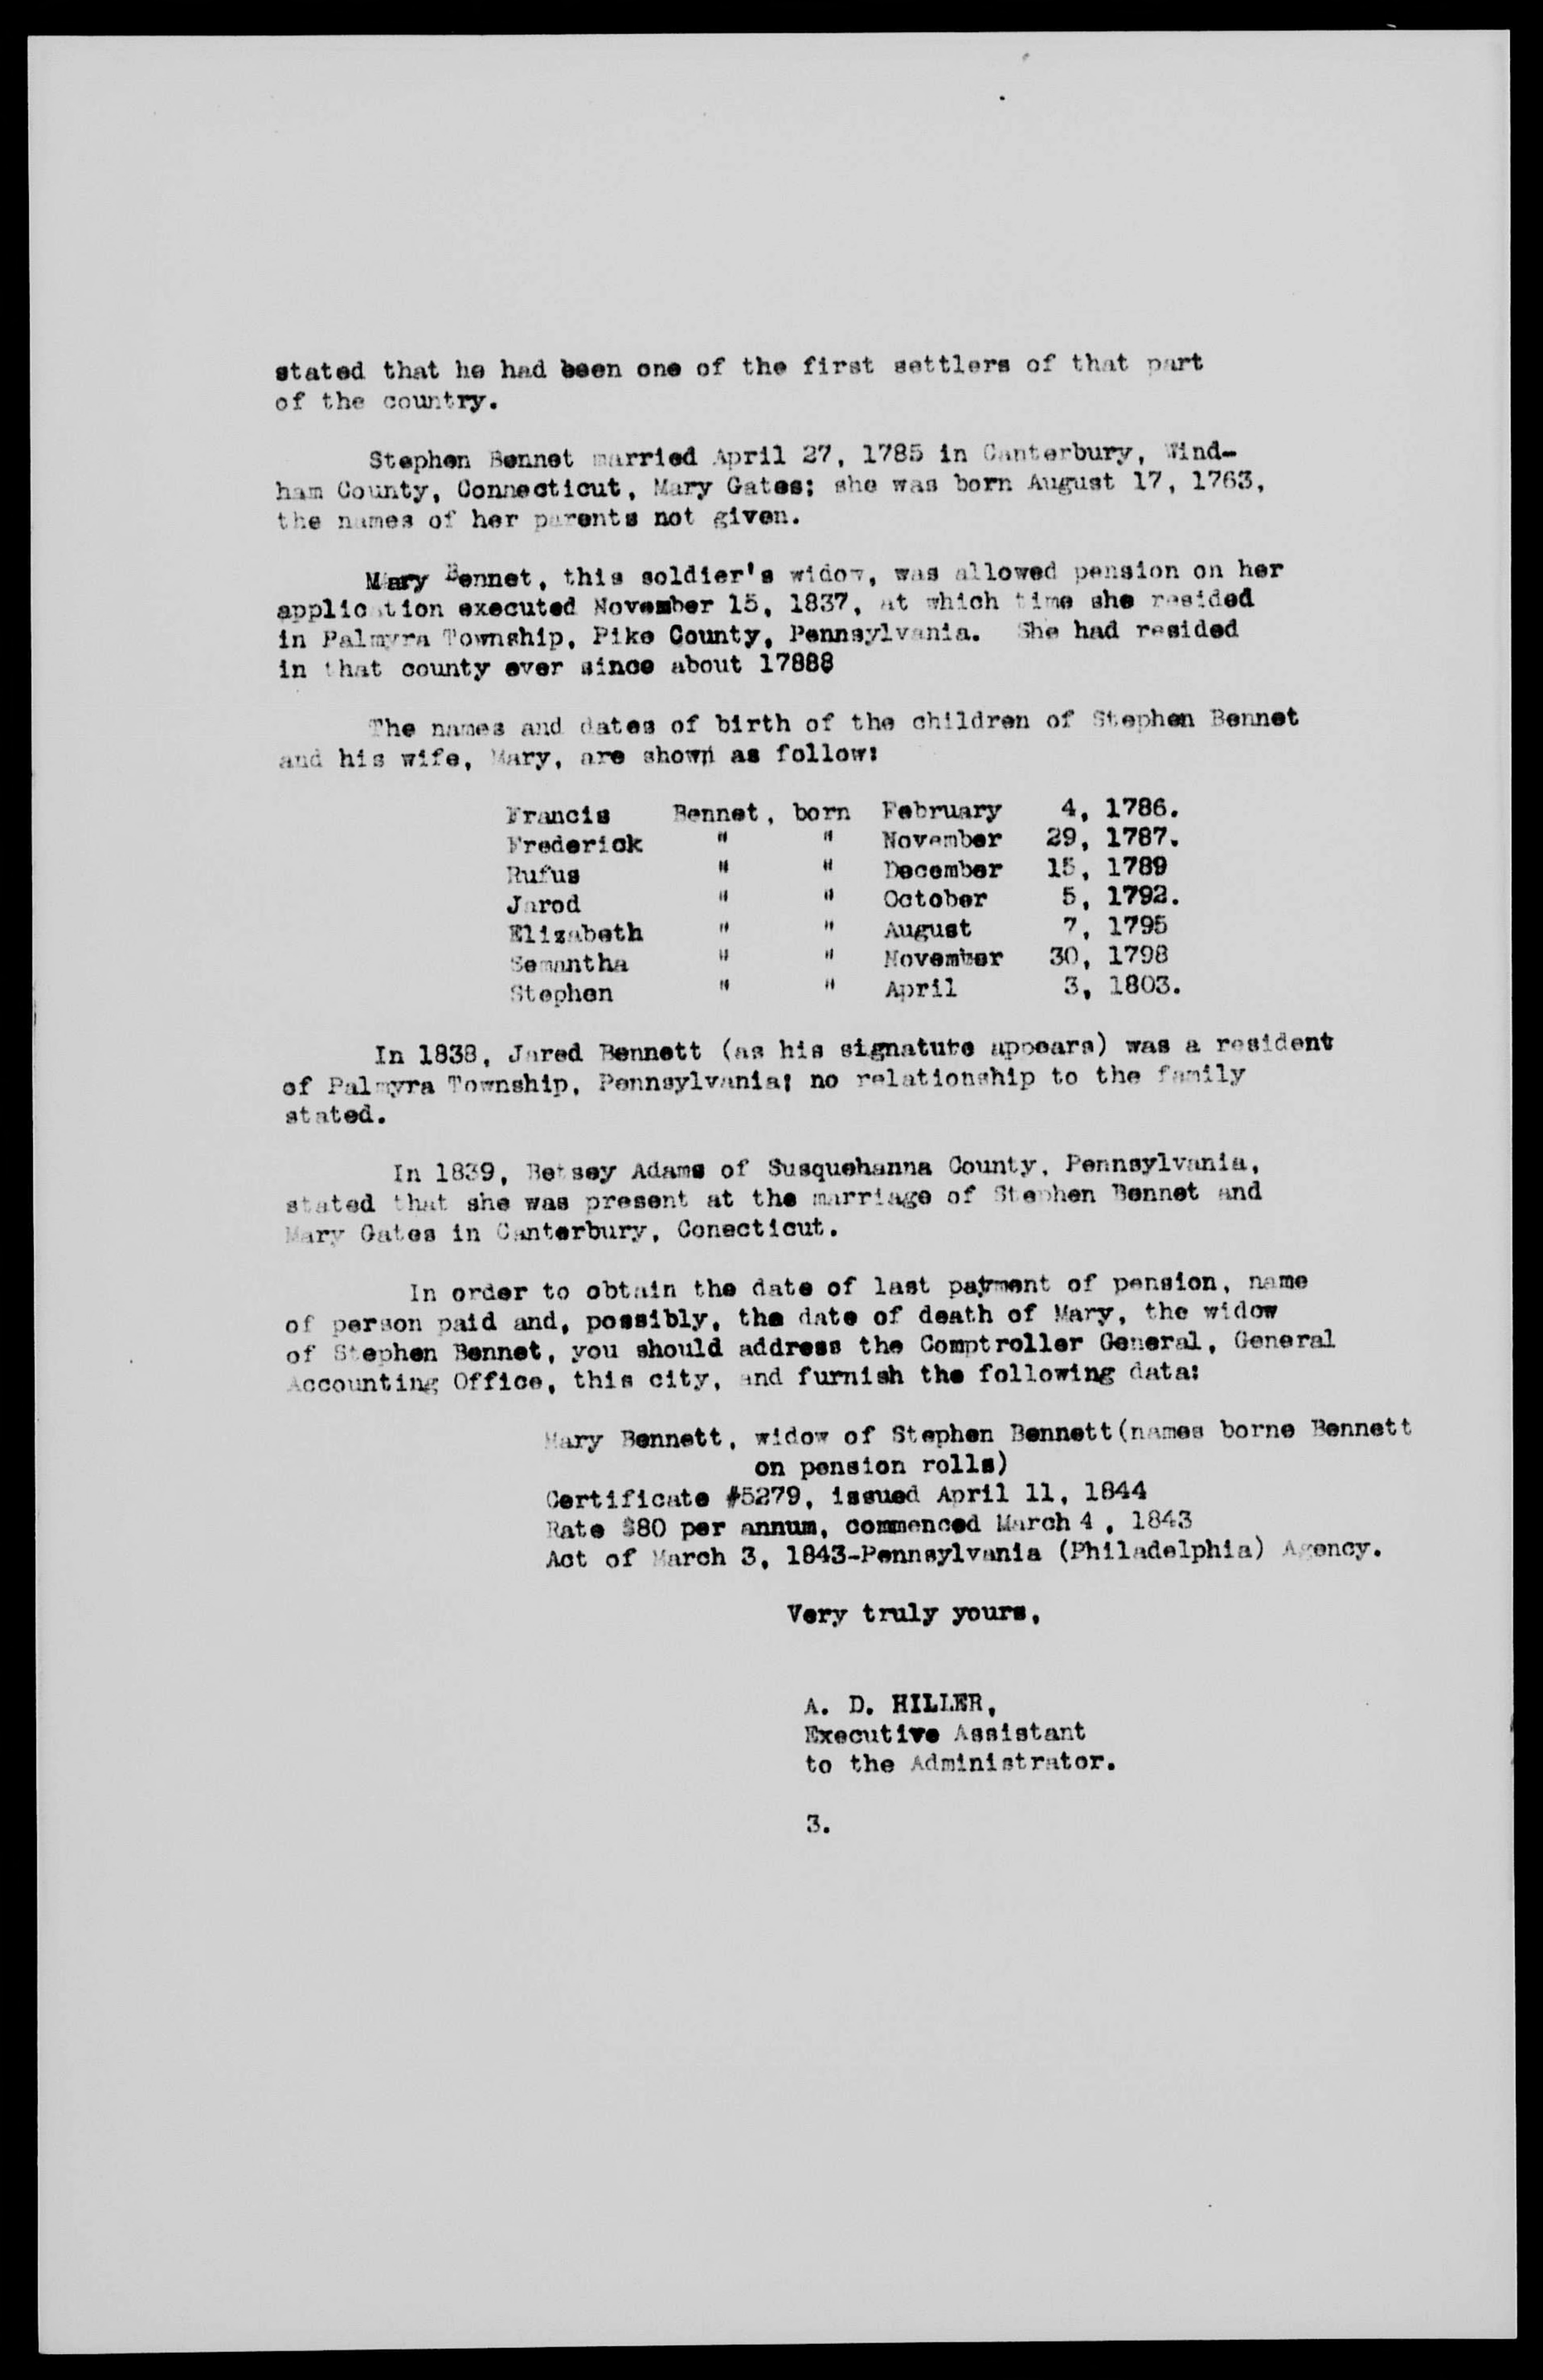stated that he had been one of the first settlers of that part of the country. Stephen Bennett married April 27, 1785 in Canterbury, Windham County, Connecticut, Mary Gates; she was born August 17, 1763, the names of her parents not given. Mary Bennet, this soldier's widow, was allowed pension on her application executed November 15, 1837, at which time she resided
in Palmyra Township, Pike County, Pennsylvania, She had resided in that county ever since about 17888 The names and dates of birth of the children of Stephen Bennett and his wife, Mary, are shown as follow: Francis Bennet, born February 4, 1786. Frederick " " November 29, 1787. Rufus " " December 15, 1789 Jarod " " October 5, 1792. Elizabeth " " August 7, 1795 Semantha " " November 30, 1798 Stephen " " April 3, 1803. In 1838, Jared Bennett (as his signature appears ) was a resident of Palmyra Township, Pennsylvania; no relationship to the family  stated. In 1839, Betsey Adams of Susquehanna County, Pennsylvania, stated that she was present at the marriage of Stephen Bennet and Mary Gates in Canterbury, Connecticut. In order to obtain the date of last payment of pension, name of person paid and, possibly, the date of death of Mary, the widow
of Stephen Bennet, you should address the Comptroller General, General Accounting Office, this city, and furnish the following data: Mary Bennett, widow of Stephen Bennett ( names borne Bennett on pension rolls) Certificate #5279, issued April 11, 1844 Rate $80 per annum, commenced March 4, 1843 Act of March 3, 1843 - Pennsylvania (Philadelphia) Agency.
Very truly yours, A. D. HILLER, Executive Assistant
to the Administrator. 3.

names: Mary Gates, Betsey Adams, Rufus Bennet, Stephen Bennet, Stephen Bennet, Stephen Bennett, Stephen Bennet, Jared Bennett, Mary Bennet, Mary, A D Hiller, Mary, Elizabeth Bennet, Francis Bennet, Jarod Bennet, Stephen Bennet, Semantha Bennet, Stephen Bennet, Mary Bennett, Bennett, Mary Gates, Frederick Bennet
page: 74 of 79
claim: widow's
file: W. 2,906, Stephen Bennet, Conn.